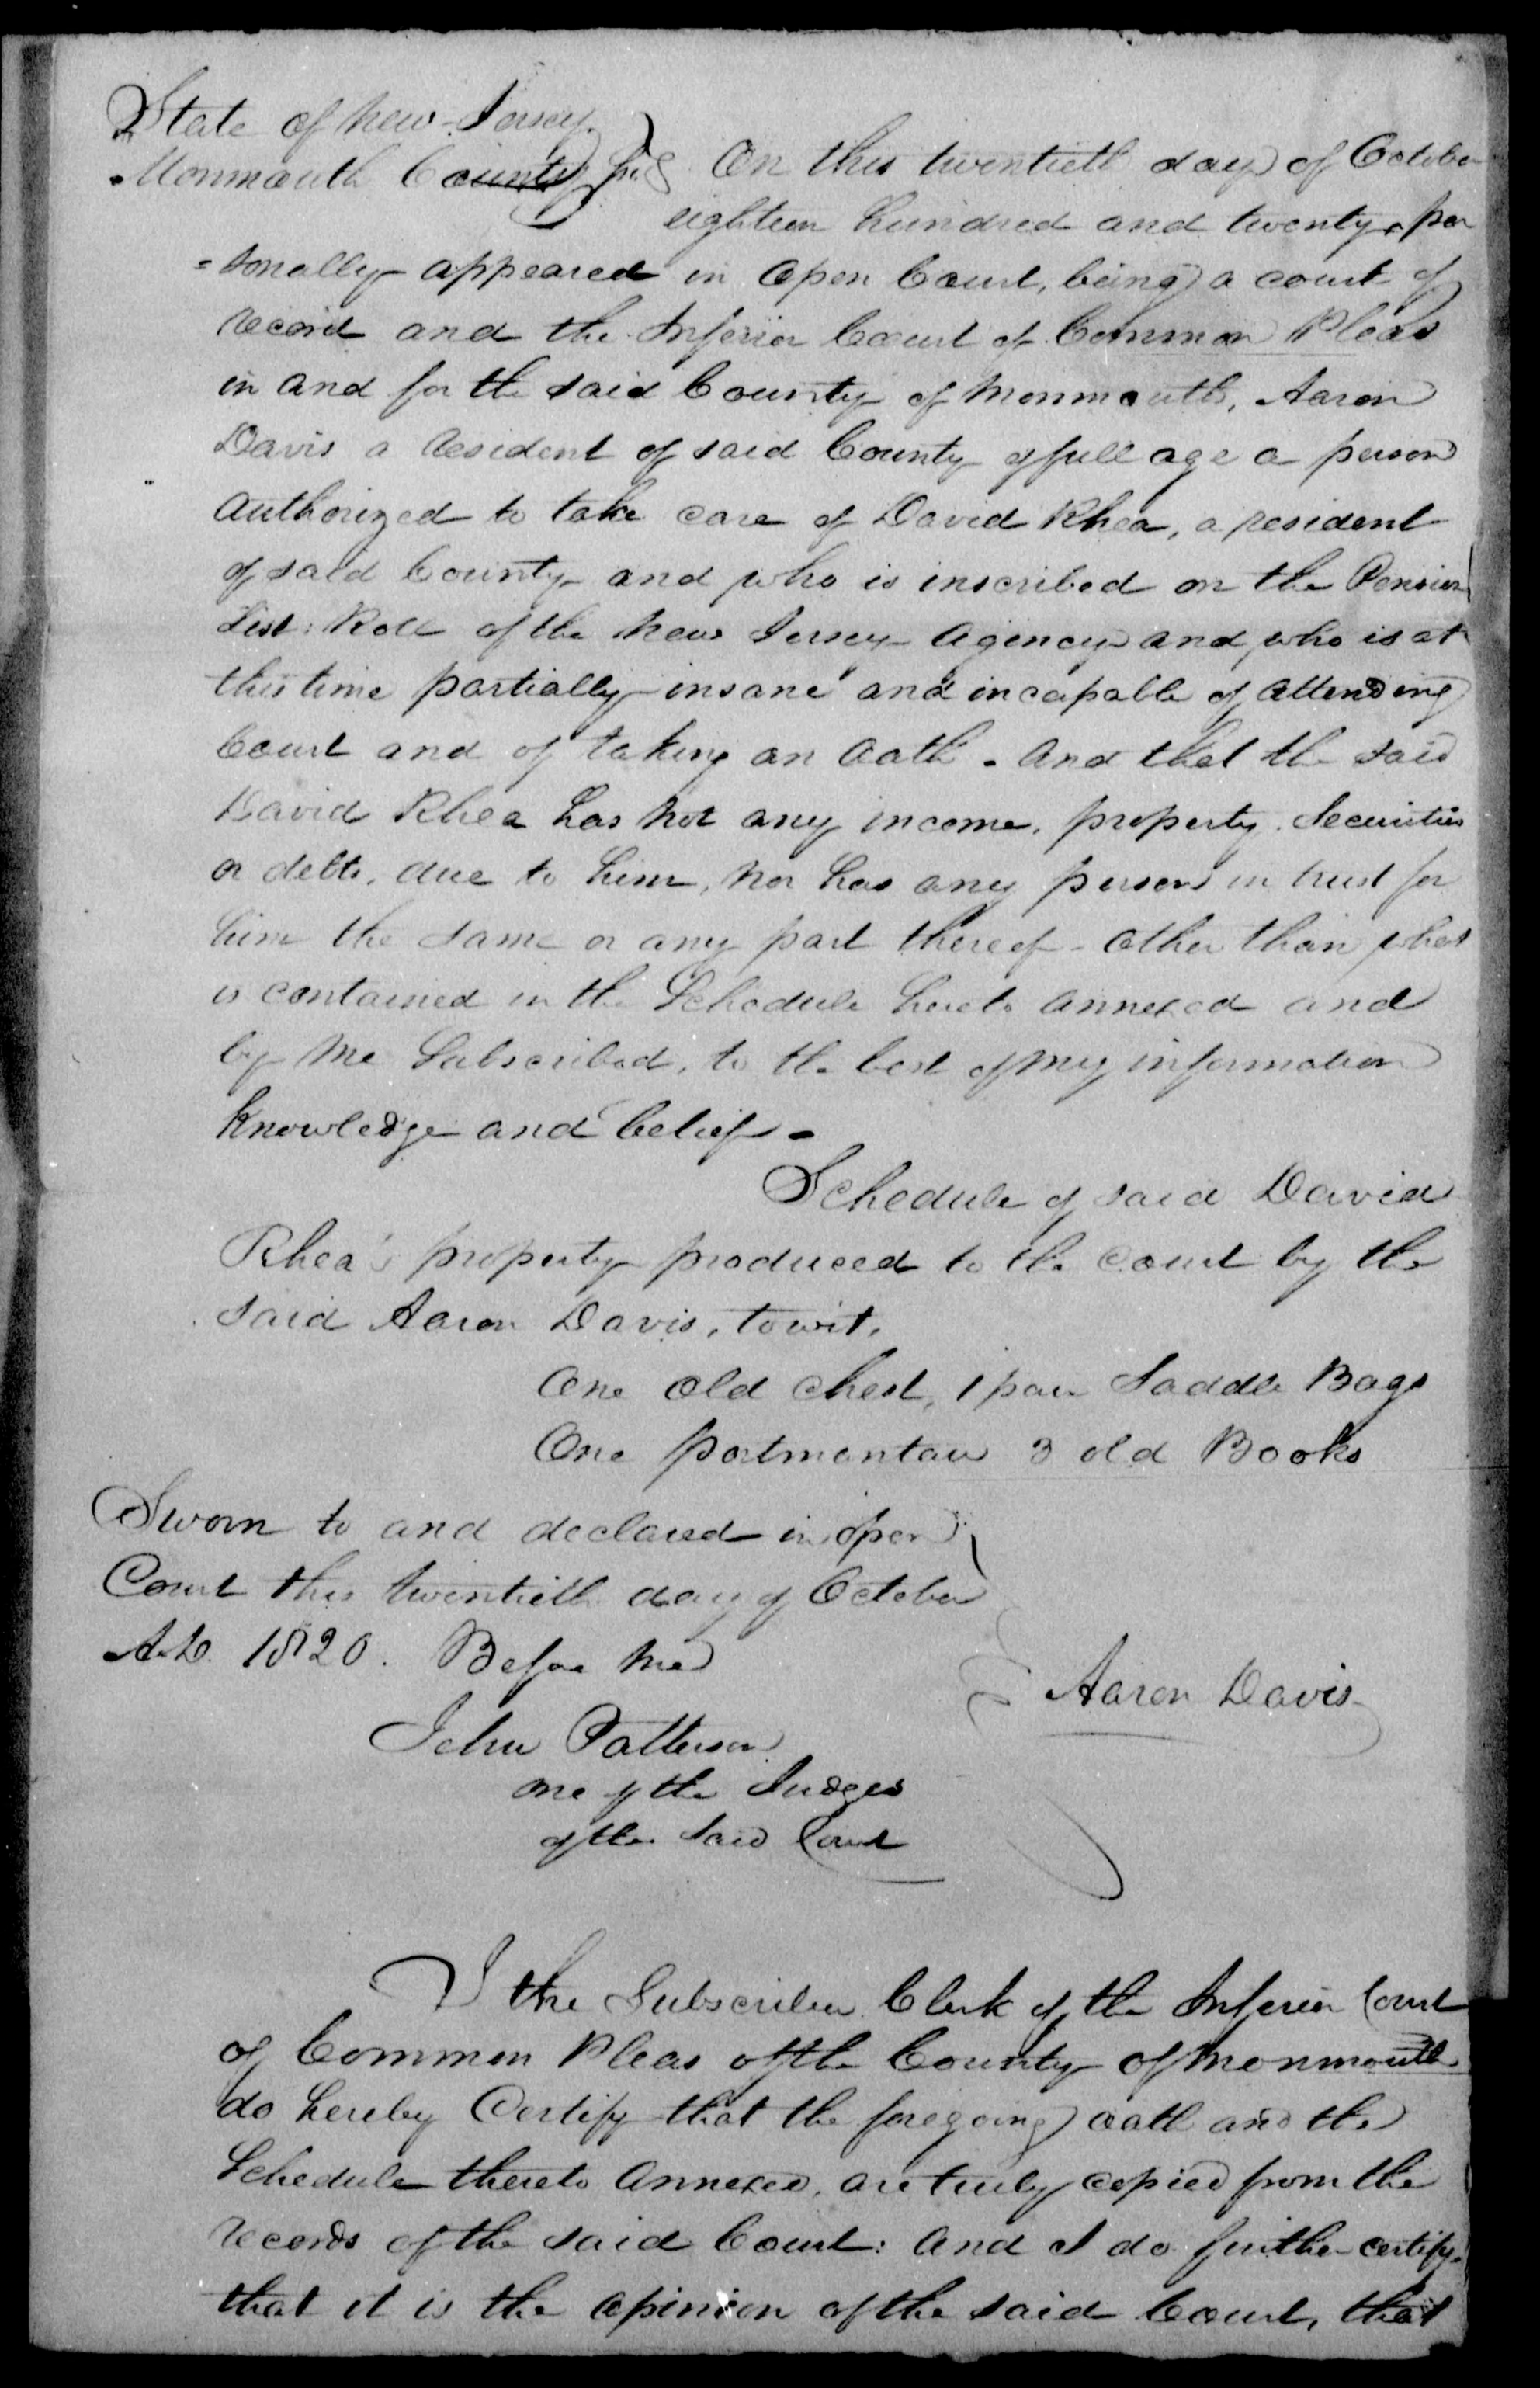State of New Jersey
Monmouth County ss}
On this twentieth day of October
eighteen hundred and twenty
personally appeared in Open Court, being a Court of
record and the Inferior Court of Common Pleas
in and for the said County of Monmouth, Aaron
Davis a resident of said County of full age a person
authorized to take care of David Rhea, a resident
of said County and who is inscribed on the Pension
List, Roll of the New Jersey agency and who is at
this time partially insane and incapable of attending
Court and of taking an oath, and that the said
David Rhea has not any income, property, Securities
or debts due to him, nor has any person in trust for
him the same or any part thereof, other than what
is contained in the Schedule hereto annexed and
by me Subscribed, to the best of my information
knowledge and belief.

Schedule of said David
Rhea's property produced to the court by the
said Aaron Davis, towit,
One old chest, 1 pair Saddle Bags
One portmentau [portmanteau] 3 old Books

Aaron Davis

Sworn to and declared in open
Court this twentieth day of October
A.D. 1820. Before me
John Patterson
one of the Judges
of the said Court

I the Subscriber Clerk of the Inferior Court
of Common Pleas of the County of Monmouth
do hereby Certify that the foregoing oath and the
Schedule thereto annexed, are truly copied from the
records of the said Court. And I do further certify
that it is the opinion of the said Court, that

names: John Patterson; David Rhea; David Rhea; Aaron Davis; Aaron Davis; Aaron Davis; David Rhea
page: 9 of 21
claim: survivor's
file: S. 33,554, for David Rhea, New Jersey